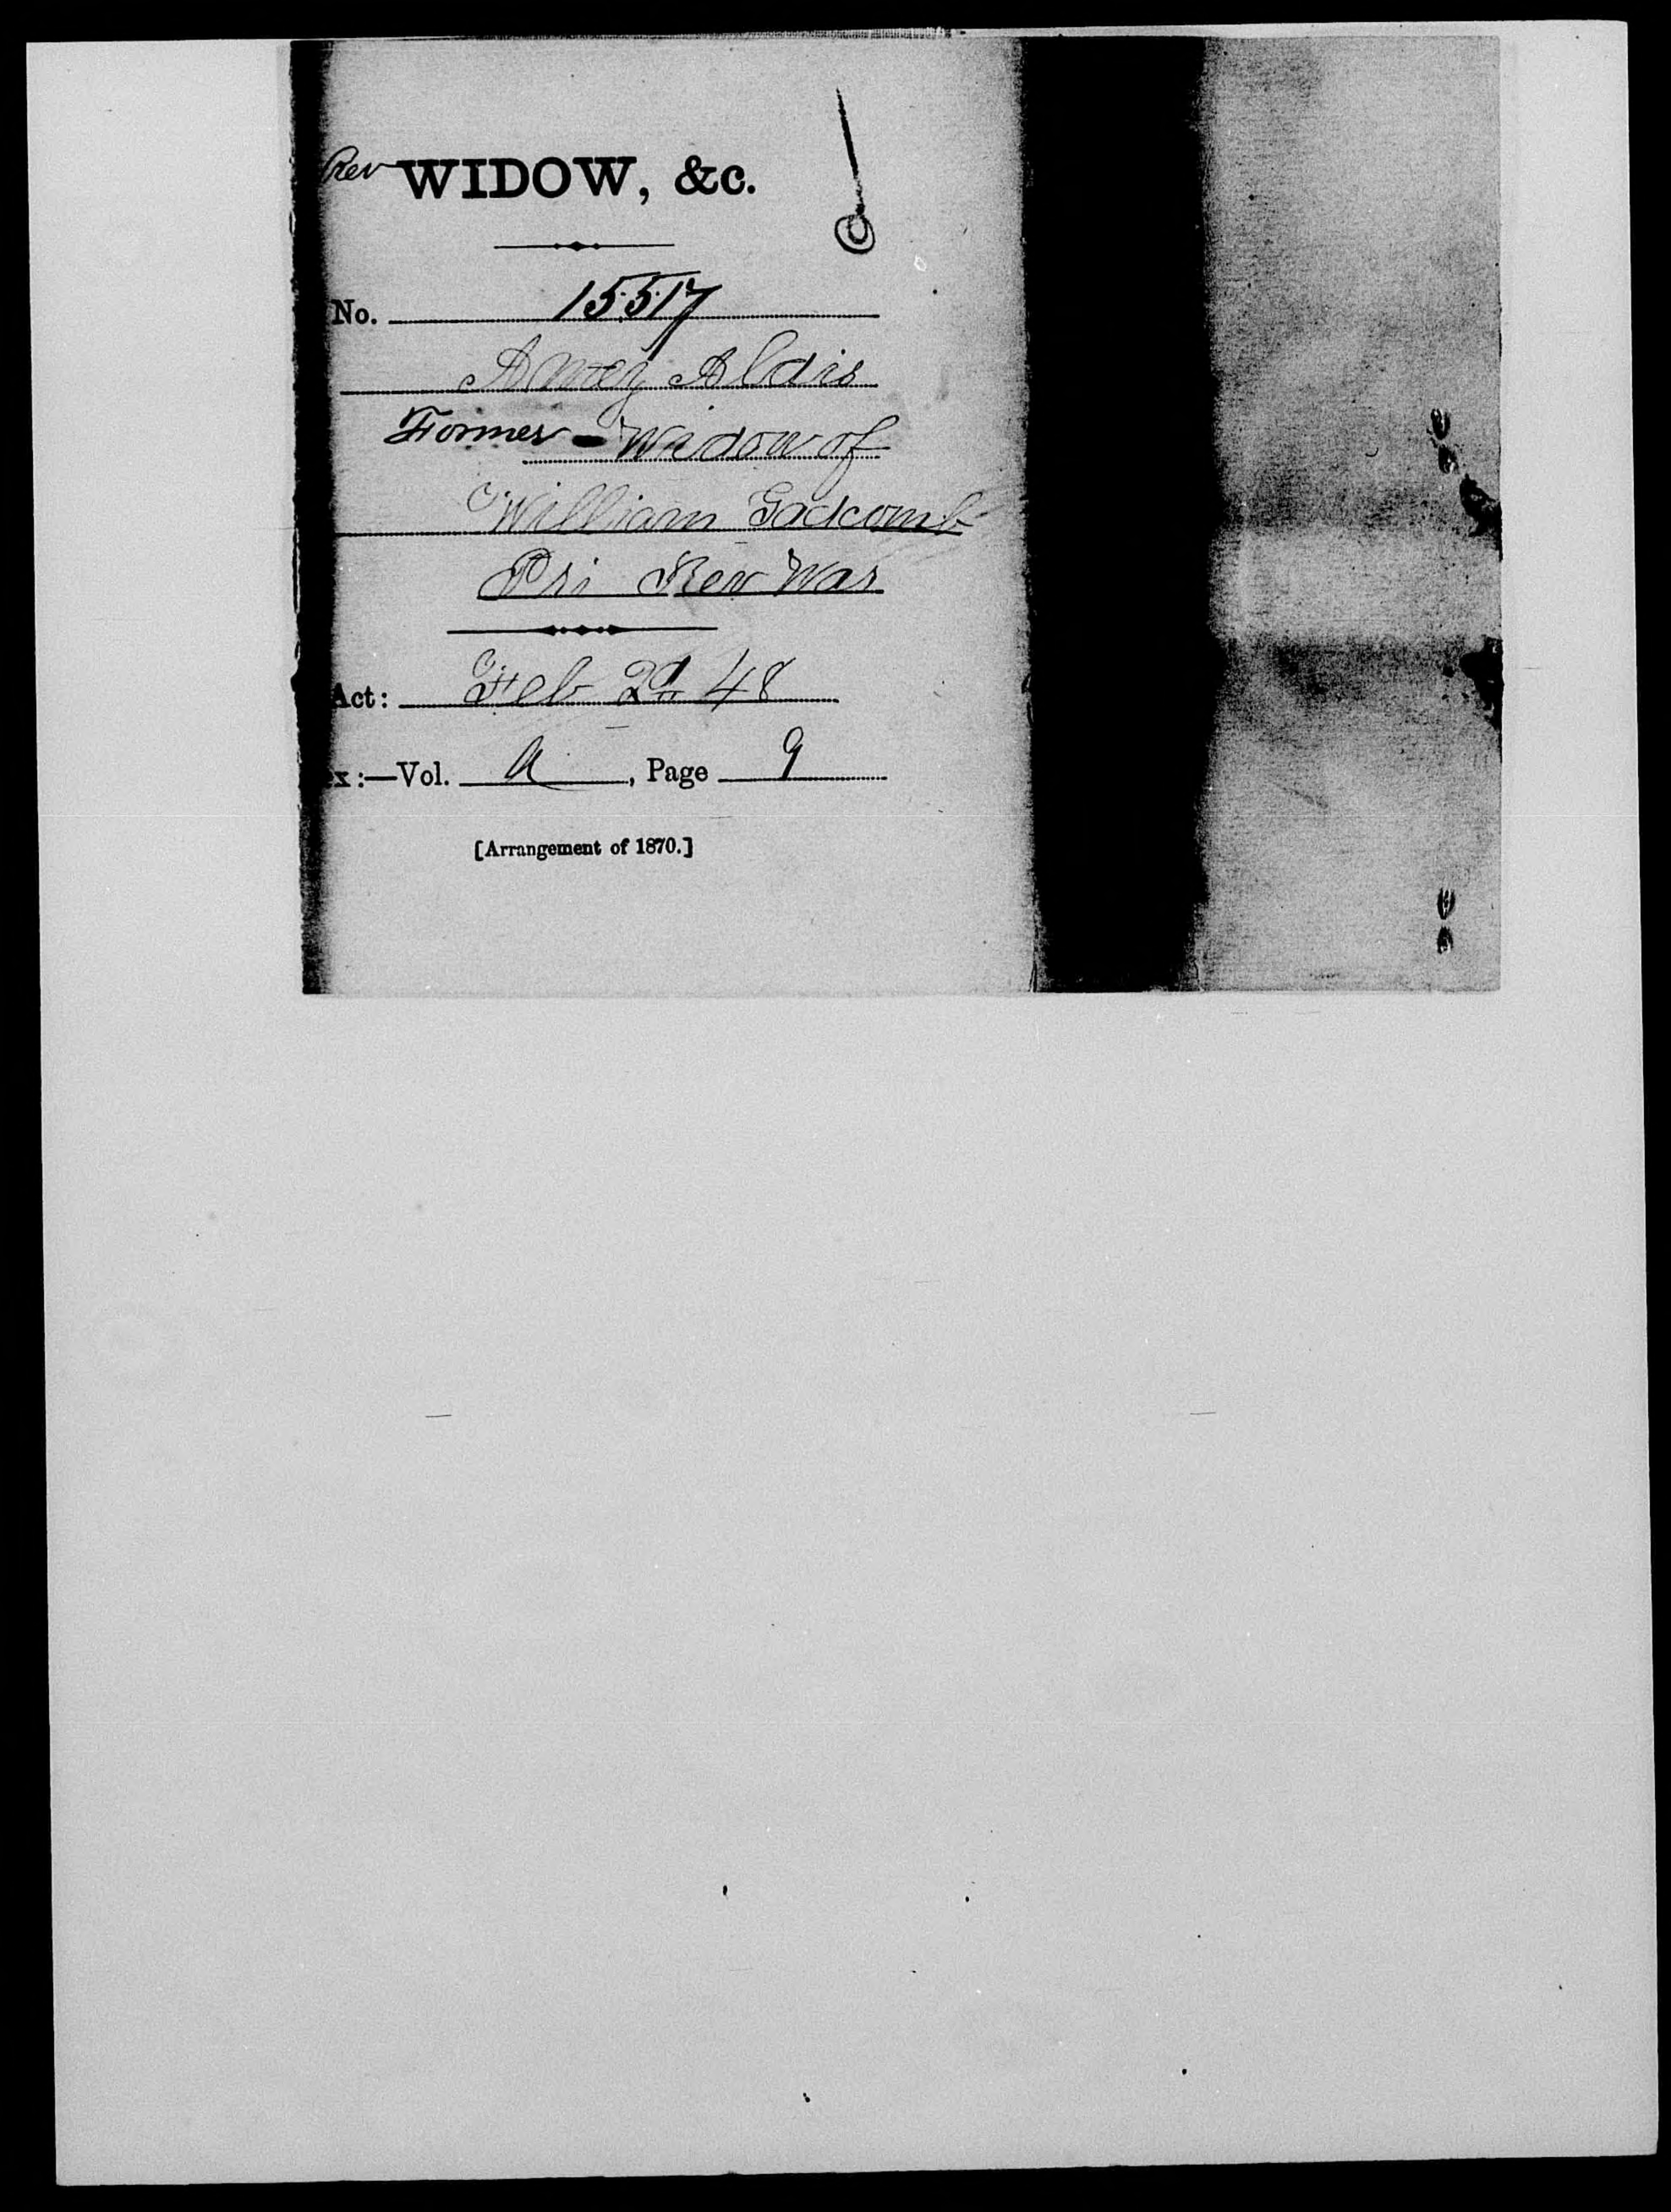Rev WIDOW, &c.
No. 15517
Amey Aldis
Former Widow of William Gadcomb
Pri Rev War
Act: Feb. 2d 48
ex: -- Vol. A, Page 9
[Arrangement of 1870.]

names: William Gadcomb, Amey Aldis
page: 67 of 76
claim: widow's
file: W. 15,517, William Gadcomb, R.I.